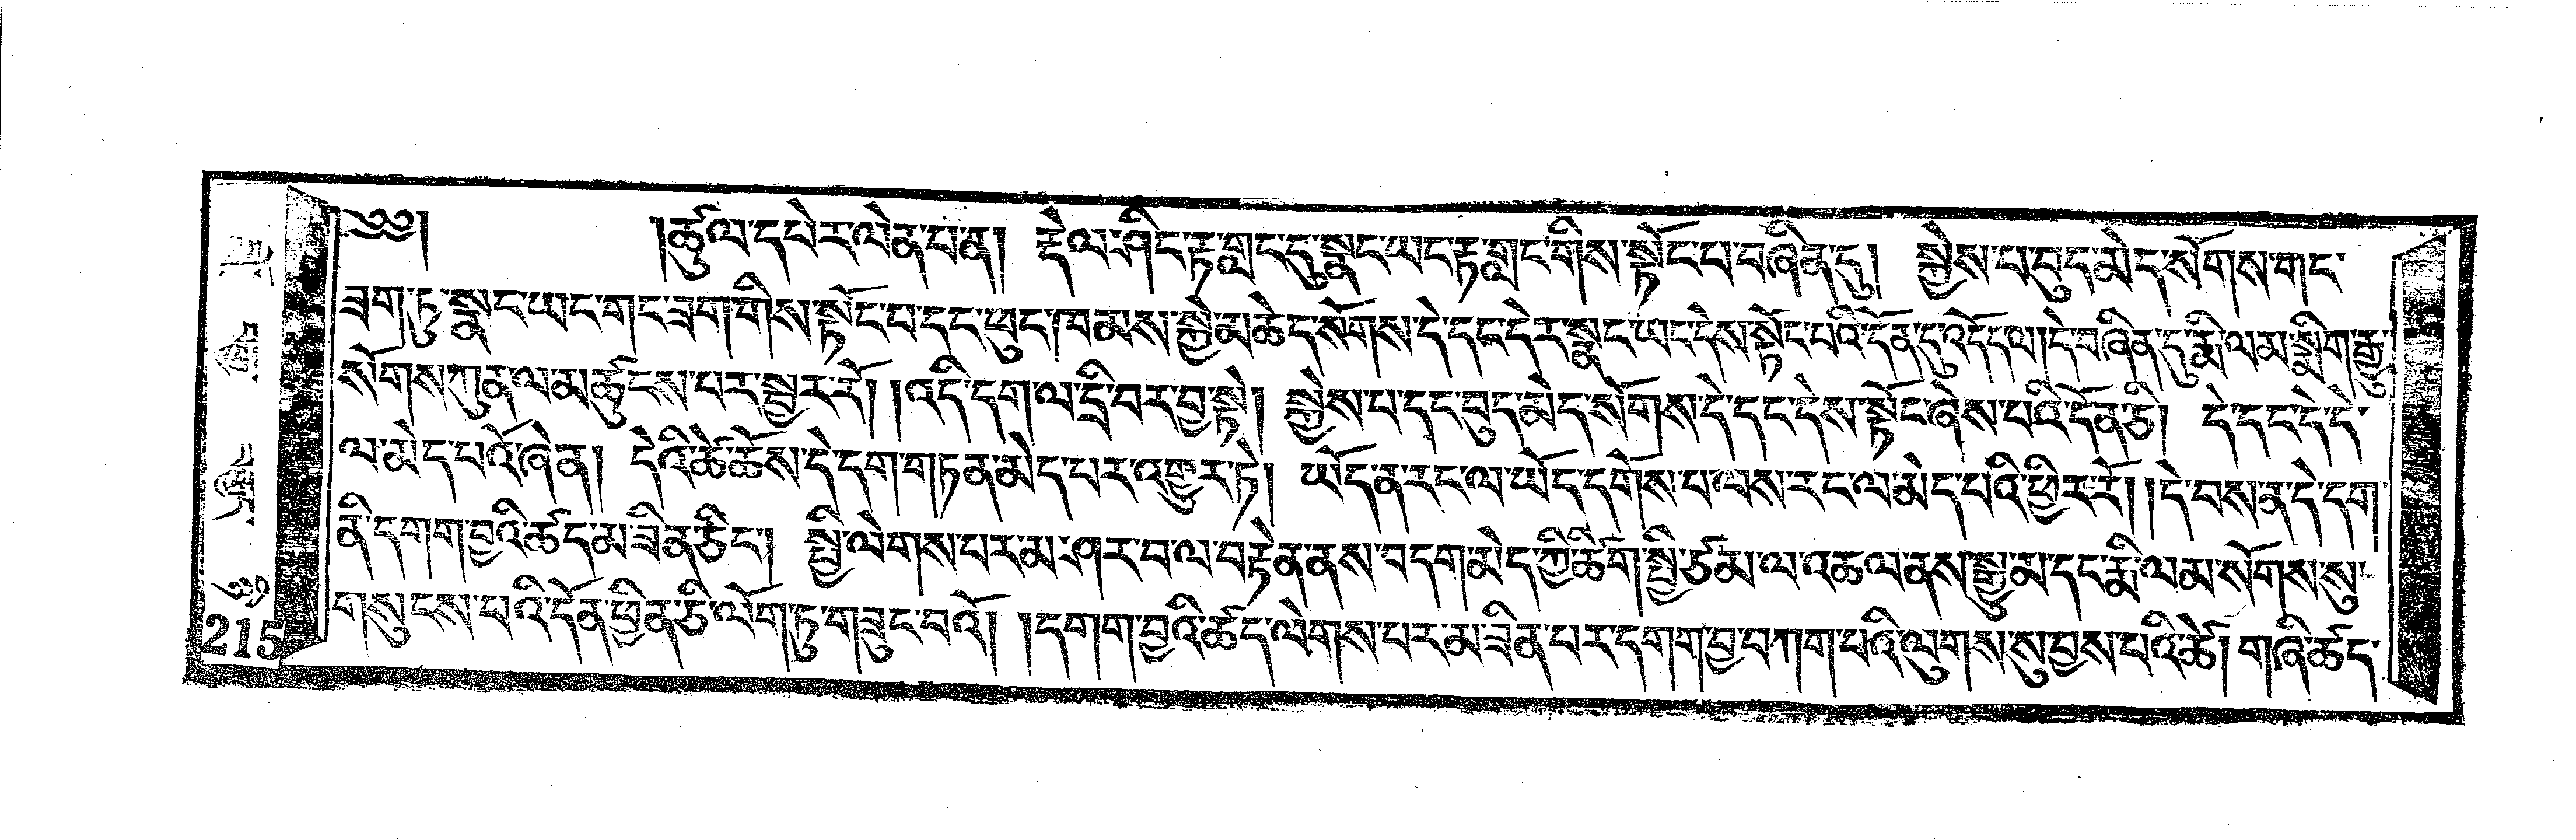༄༅། །ཚུལ་དཔེར་ལེན་པ་ན། རྡེལ་ཤིང་རྟ་གླང་དུ་སྣང་ཡང་རྟ་གླང་གིས་སྟོང་པ་བཞིན་དུ། སྐྱེས་པ་བུད་མེད་སོགས་གང་
ཟག་ཏུ་སྣང་ཡང་གང་ཟག་གིས་སྟོང་པ་དང་ཕུང་ཁམས་སྐྱེ་མཆེད་སོགས་དེ་དང་དེར་སྣང་ཡང་དེས་སྟོང་པའི་དོན་དུ་འདོད་ལ། དེ་བཞིན་དུ་རྨི་ལམ་སྨིག་རྒྱུ་
སོགས་ཀུན་ལ་མཚུངས་པར་སྦྱར་རོ། །འདི་དག་ལ་དྲི་བར་བྱ་སྟེ། སྐྱེས་པ་དང་བུད་མེད་སོགས་དེ་དང་དེས་སྟོང་ཞེས་པའི་དོན་ཅི། དེ་དང་དེ་དེ་
ལ་མེད་པའོ་ཞེ་ན། དེའི་ཚེ་ཆོས་དེ་དག་གཏན་མེད་པར་འགྱུར་ཏེ། ཡོད་ན་རང་ལ་ཡོད་དགོས་པ་ལས་རང་ལ་མེད་པའི་ཕྱིར་རོ། །དེ་བས་ན་དེ་དག་
ནི་དགག་བྱའི་ཚད་མ་ཟིན་ཅིང་། སྤྱི་ལེགས་པར་མ་ཤར་བ་ལ་བརྟེན་ནས་བདག་མེད་ཀྱི་ཚིག་སྤྱི་ཙམ་ལ་འཆལ་ནས་སྒྱུ་མ་དང་རྨི་ལམ་སོགས་སུ་
གསུངས་པའི་དོན་ཕྱིན་ཅི་ལོག་ཏུ་གཟུང་བའོ། །དགག་བྱའི་ཚད་ལེགས་པར་མ་ཟིན་པར་དགག་བྱ་བཀག་པའི་ལུགས་སུ་བྱས་པའི་ཚེ། གཞི་ཚད་